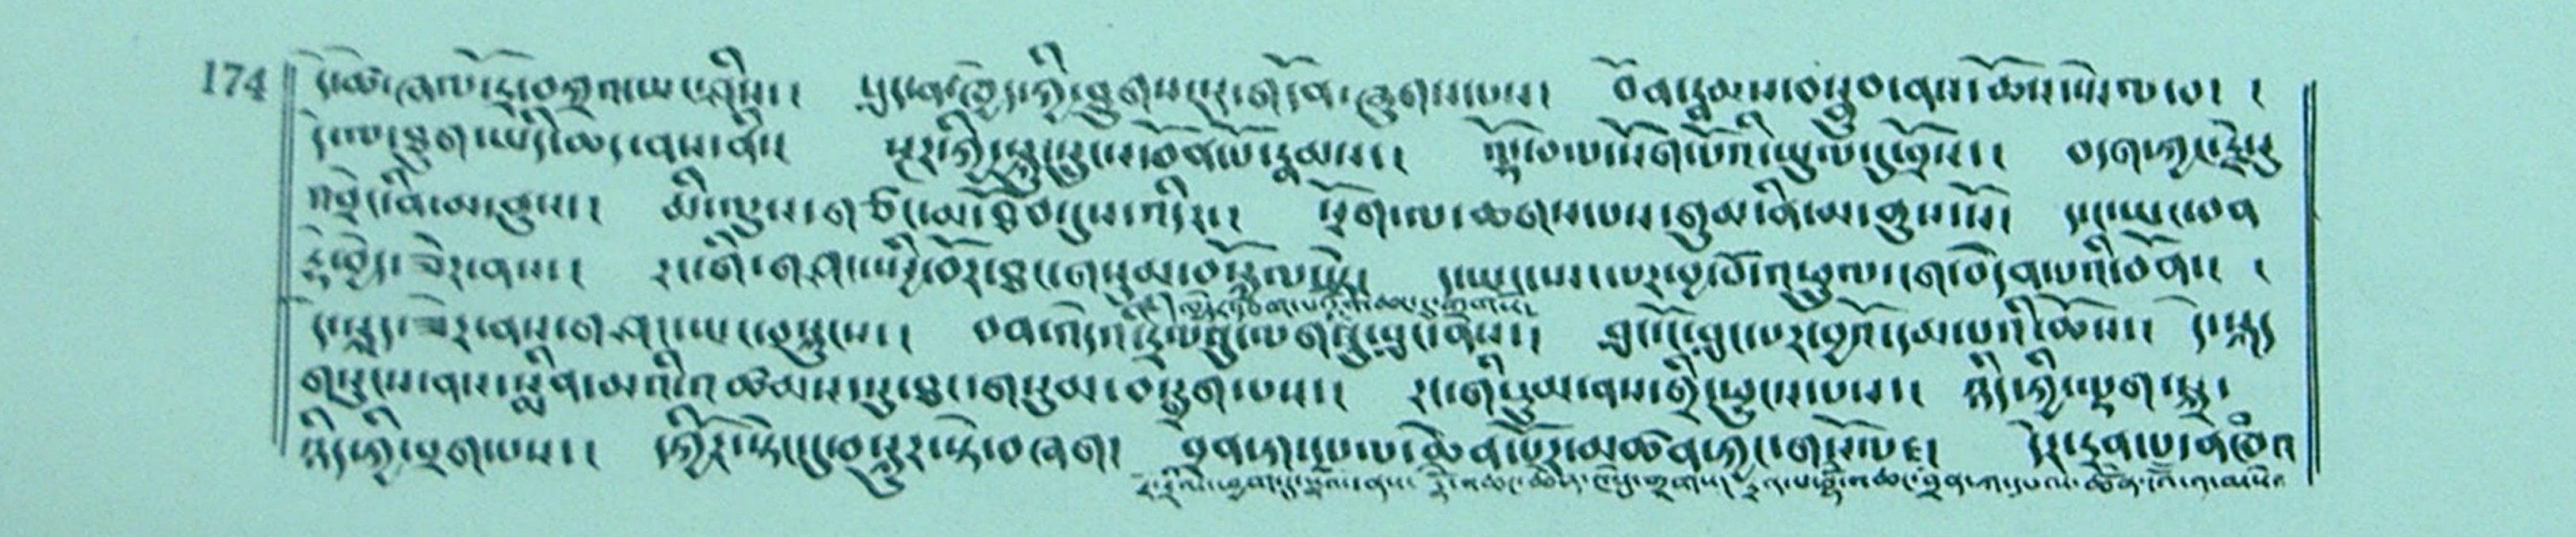དེ་ཚེ་ཞལ་དྲོ་བཀྲ་ཡང་ཤིས། སླད་ན་ཁྱེད་ཀྱི་ཐུགས་སུ་གདོན་ཞུགས་པས། བོན་རྣམས་བསྣུབས་ནས་ཆོས་སྤེལ་བ། 
དེ་ལ་ཐུགས་ཡིད་ཆད་ནས་ནི། སྔར་གྱི་སྐུ་བསྲུངས་བོན་པོ་རྣམས། ལྷོ་བལ་སོག་པོའི་ཡུལ་དུ་བྲོས། བདག་ཀྱང་རྗེས་སུ་
འབྲེང་ནི་མ་ནུས་པས། མི་ལུས་གཙང་མ་ཐོབ་དུས་འདིར། སྲོག་ལ་ཆགས་པས་གུམ་ནི་མ་ནུས་སོ། ད་ང་ཡང་བན་
དྷེ་བྱེད་ཟེར་ནས། རང་གི་གཤང་སྤྱི་བོར་ཐང་གསུམ་བསྐྲོལ་ཏེ། ད་ཡང་སྤངས་པར་བྱ་བོ་འཕྲུལ་ངག་བདེན་པའི་བོན། 
དེ་སྐད་ཟེར་ནས་གཤང་ཡང་བསྐུངས། བན་དྷེའི་དྲིལ་བུ་ལག་ཏུ་ཁྱེདར་རྩེག་པ་དྷའི་ཆང་དུ་གྲགས་བླང་ནས། བླང་ངོ་བླངས་པར་བྱའོ་དམ་པའི་ཆོས། དེ་སྐད་
གསུངས་ནས་སྨིན་མའི་འཚམས་སུ་ཐང་གསུམ་བསྒྲགས་པས། རང་གི་རུམ་ནས་གྲི་བྱུང་བས། ཉིད་ཀྱི་ལྟག་སྐྲ་
ཉིད་ཀྱིས་བྲག་པས། དཀྱིལ་འཁོར་སྟེང་དུ་བསྐྱུར་ནས་བཞག བྲན་ཀ་དཔལ་ཆེན་པོ་རུ་མཚན་ཡང་གསོལ། རྡོ་དྲིལ་ཕྱག་ཏུ་སྣོལ་ནས་རྡོ་རྗེ་འཆང་ཆེན་པོ་ཞེས་སུ་གྲགས། དྲན་པ་རྡོ་རྗེ་འཆང་བྲན་ཀ་དཔལ་ཆེན་པོ་ངོའ་གཅིག་མཛད། དེར་དྲན་པ་ནམ་མཁའི་